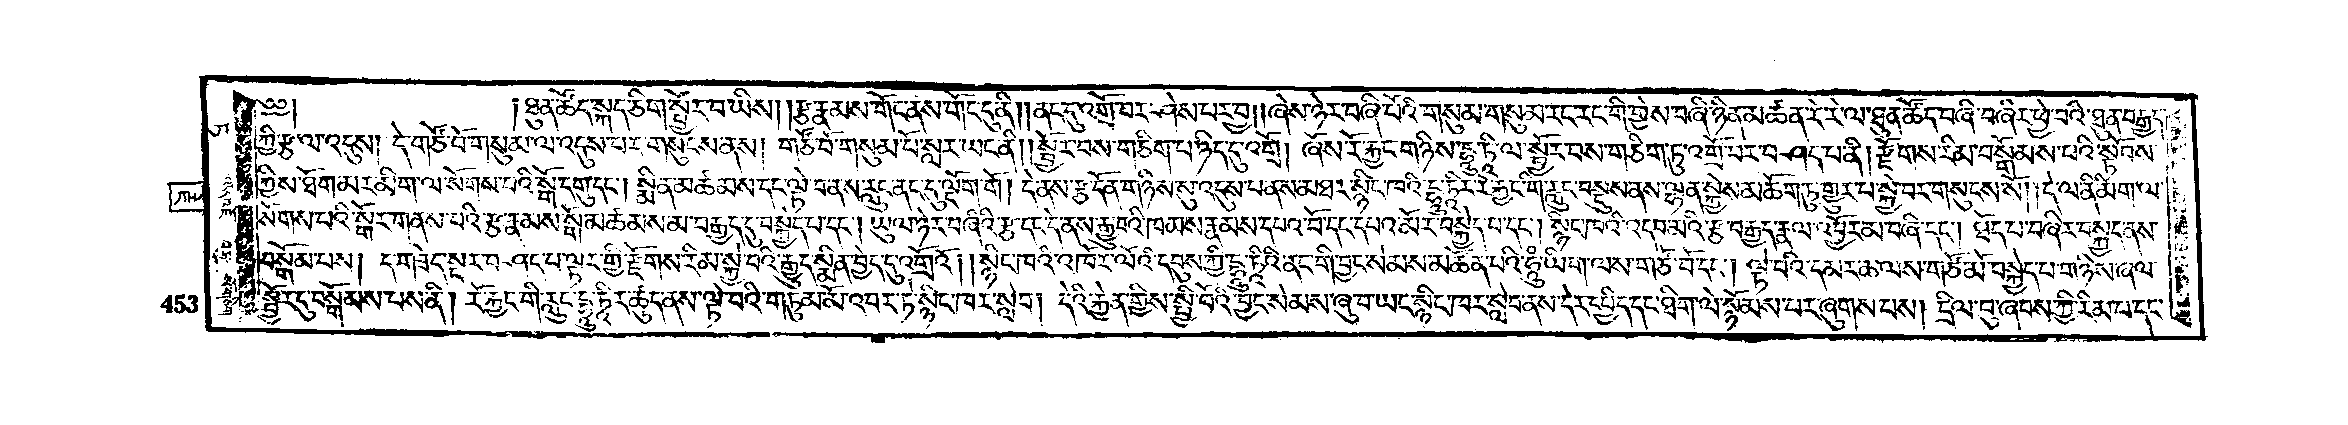༄༅། །ཐུན་ཚོད་སྐད་ཅིག་སྦྱོར་བ་ཡིས། །རྩ་རྣམས་གོང་ནས་གོང་དུ་ནི། །ནང་དུ་འགྲོ་བར་ཤེས་པར་བྱ། །ཞེས་ཉེར་བཞི་པོའི་གསུམ་གསུམ་རང་རང་གི་གྱེས་བཞི་ཉིན་མཚན་རེ་རེ་ལ་ཐུན་ཚོད་བཞི་བཞིར་ཕྱེ་བའི་ཐུན་བརྒྱད་
ཀྱི་རྩ་ལ་འདུས། དེ་གཙོ་བོ་གསུམ་ལ་འདུས་པར་གསུངས་ནས། གཙོ་བོ་གསུམ་པོ་སླར་ཡང་ནི། །སྦྱོར་བས་གཅིག་པ་ཉིད་དུ་འགྲོ། ཞེས་རོ་རྐྱང་གཉིས་དྷཱུ་ཏཱི་ལ་སྦྱོར་བས་གཅིག་ཏུ་འགྲོ་བར་བཤད་པ་ནི། རྫོགས་རིམ་བསྒོམས་པའི་སྟོབས་
ཀྱིས་ཐོག་མར་མིག་ལ་སོགས་པའི་སྒོ་དགུ་དང་། སྨིན་མཚམས་དང་ལྟེ་བ་ནས་རླུང་ནང་དུ་ལྡོག་གོ། དེ་ནས་རྩ་དོན་གཉིས་སུ་འདུས་པ་ནས་མཐར་སྙིང་ཁའི་དྷཱུ་ཏཱིར་རེ་རྐྱང་གི་རླུང་བསྡུས་ནས་ལྷན་སྐྱེས་མཆོག་ཏུ་གྱུར་པ་སྐྱེ་བར་གསུངས་སོ། །དེ་ལ་ནི་མིག་ལ་
སོགས་པའི་སྒོར་གནས་པའི་རྩ་རྣམས་སྒོ་མཚམས་མ་བརྒྱད་དུ་བསྐྱེད་པ་དང་། ཡུལ་ཉེར་བཞིའི་རྩ་དང་དེ་ནས་རྒྱུ་བའི་ཁམས་རྣམས་དཔའ་བོ་དང་དཔའ་མོར་བསྐྱེད་པ་དང་། སྙིང་ཁའི་འདབ་མའི་རྩ་བརྒྱད་རྣལ་འབྱོར་མ་བཞི་དང་། ཐོད་པ་བཞིར་བསྐྱད་ནས་
བསྒོམ་པས། ད་གཟེད་སྔར་བཤད་པ་ལྟར་གྱི་རྫོགས་རིམ་སྐྱེ་བའི་རྒྱུད་སྨིན་བྱེད་དུ་འགྲོའོ། །སྙིང་ཁའི་འཁོར་ལོའི་དབུས་ཀྱི་དྷཱུ་ཏཱིའི་ནང་གི་བྱང་སེམས་མཚོན་པའི་ཧཱུཾ་ཡིག་ལས་གཙོ་བོ་དང་། ལྟེ་བའི་དམར་ཆ་ལས་གཙོ་མོ་བསྐྱེད་པ་གཉིས་ཞལ་
སྦྱོར་དུ་བསྒོམས་པས་ནི། རོ་རྐྱང་གི་རླུང་དྷཱུ་ཏཱིར་ཚུད་ནས་ལྟེ་བའི་གཏུམ་མོ་འབར་ཏེ་སྙིང་ཁར་སླེབ། དེའི་རྐྱེན་གྱིས་སྤྱི་བོའི་བྱང་སེམས་ཞུ་བ་ཡང་སྙིང་ཁར་སླེབ་ནས་དེར་དཔྱིད་དང་ཐིག་ལེ་སྙོམས་པར་ཞུགས་པས། དྲིལ་བུ་ཞབས་ཀྱི་རིམ་པ་དང་